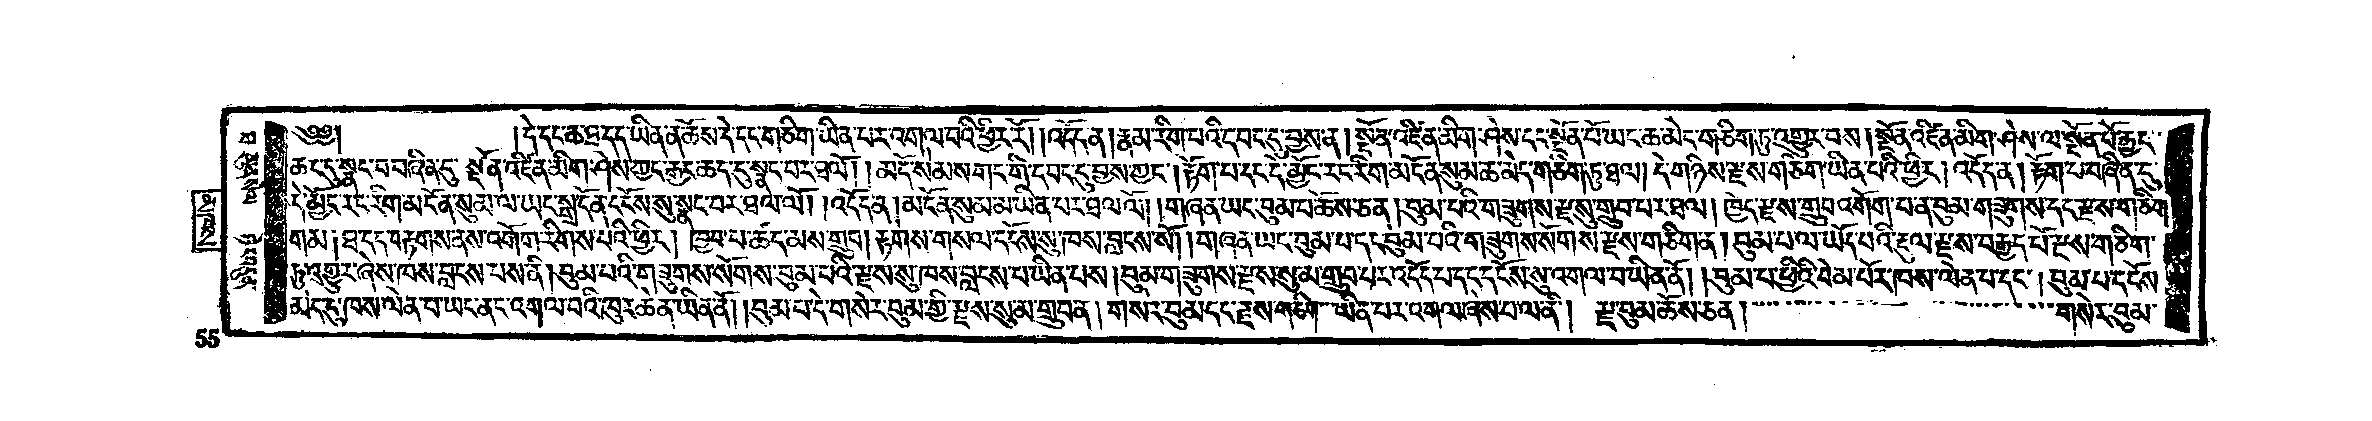༄༅། །དེ་དང་ཆ་ཐ་དད་ཡིན་ན་ཆོས་དེ་དང་གཅིག་ཡིན་པར་འགལ་བའི་ཕྱིར་རོ། །འདོད་ན། རྣམ་རིག་པའི་དབང་དུ་བྱས་ན། སྔོན་འཛིན་མིག་ཤེས་དང་སྔོན་པོ་ཡང་ཆ་མེད་གཅིག་ཏུ་འགྱུར་བས། སྔོན་འཛིན་མིག་ཤེས་ལ་སྔོན་པོ་རྒྱང་?
ཆད་དུ་སྣང་བ་བཞིན་དུ་སྔོན་འཛིན་མིག་ཤེས་ཀྱང་རྒྱང་ཆད་དུ་སྣང་བར་ཐལ་ལོ། །མདོ་སེམས་གང་གི་དབང་དུ་བྱས་ཀྱང་། རྟོག་པ་དང་དེ་མྱོང་རང་རིག་མངོན་སུམ་ཆ་མེད་གཅིག་ཏུ་ཐལ། དེ་གཉིས་རྫས་གཅིག་ཡིན་པའི་ཕྱིར། འདོད་ན། རྟོག་པ་བཞིན་དུ་
དེ་མྱོང་རང་རིག་མངོན་སུམ་ལ་ཡང་སྒྲ་དོན་དངོས་སུ་སྣང་བར་ཐལ་ལོ། །འདོད་ན། མངོན་སུམ་མ་ཡིན་པར་ཐལ་ལོ། །གཞན་ཡང་བུམ་པ་ཆོས་ཅན། བུམ་པའི་གཟུགས་རྫས་སུ་གྲུབ་པར་ཐལ། ཁྱོད་རྫས་གྲུབ་འགོག་པ་ན་བུམ་གཟུགས་དང་རྫས་གཅིག་
གམ། ཐ་དད་བརྟགས་ནས་འགོག་རིགས་པའི་ཕྱིར། ཁྱབ་པ་ཚད་མས་གྲུབ། རྟགས་གསལ་དངོས་སུ་ཁས་བླངས་སོ། །གཞན་ཡང་བུམ་པ་དང་བུམ་པའི་གཟུགས་སོགས་རྫས་གཅིག་ན། བུམ་པ་ལ་ཡོད་པའི་རྡུལ་རྫས་བརྒྱད་པོ་རྫས་གཅིག་
ཏུ་འགྱུར་ཞེས་ཁས་བླངས་པས་ནི། བུམ་པའི་གཟུགས་སོགས་བུམ་པའི་རྫས་སུ་ཁས་བླངས་པ་ཡིན་པས། བུམ་གཟུགས་རྫས་སུ་མ་གྲུབ་པར་འདོད་པ་དང་དངོས་སུ་འགལ་བ་ཡིན་ནོ། །བུམ་པ་ཕྱིའི་བེམ་པོར་ཁས་ལེན་པ་དང་། བུམ་པ་དངོས་
མེད་དུ་ཁས་ལེན་པ་ཡང་ནང་འགལ་བའི་ཁུར་ཆེན་ཡིན་ནོ། །བུམ་པ་དེ་གསེར་བུམ་གྱི་རྫས་སུ་མ་གྲུབ་ན། གསེར་བུམ་དང་རྫས་གཅིག་ཡིན་པར་འགལ་ཞེས་པ་ལ་ནི། རྫ་བུམ་ཆོས་ཅན། གསེར་བུམ་